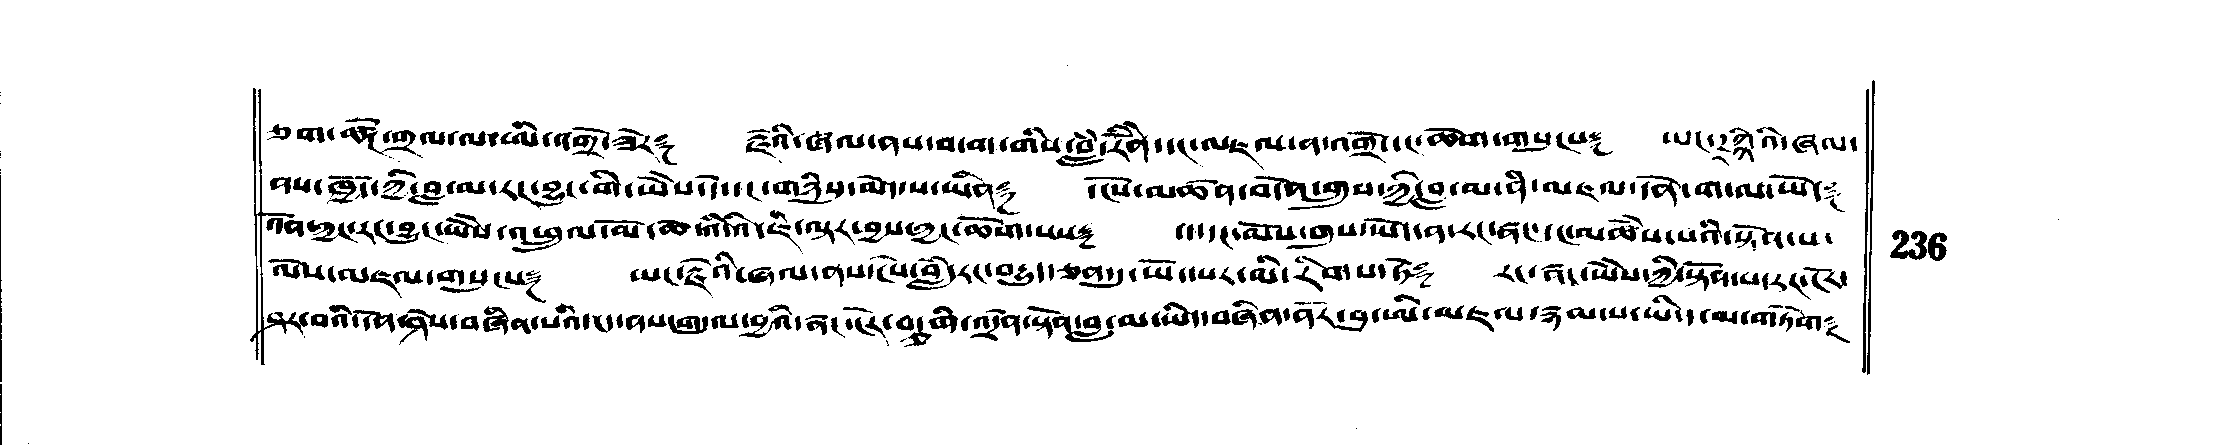ཅག་ཚོགས་གྲལ་ལ་ཨི་འགྲོ་ཟེར། རྗེའི་ཞལ་ནས་བདག་གི་བླ་མ་རིན་པོ་ཆེ་དང་མཇལ་ན་འགྲོ་དང་ཆོག་གསུངས། ཡང་ཌཱཀྐིའི་ཞལ་
ནས་ཁྱོད་ཀྱི་བླ་མ་རང་བྱུང་གི་ཡེ་ཤེས་དེ་དང་གཉིས་སུ་མེད་པ་ཡིན། དངོས་མཚན་བདེན་གྲུབ་ཀྱི་བླ་མ་ནི་མཇལ་དོན་ག་ལ་ཡོད། 
འོན་ཀྱང་རང་བྱུང་ཡེ་ཤེས་འཕྲུལ་མོ་ཆེ་འདིའི་ཇི་ལྟར་བྱས་ཀྱང་ཆོག་པས། དད་དང་མོས་གུས་ཡོད་ན་རང་སྣང་དང་འཚམས་པའི་སྟོན་པ་
ལོས་མཇལ་གསུངས། ཡང་རྗེའི་ཞལ་ནས་ངེས་བླ་མ་རང་རྒྱུད་ཅན་དུ་ཡོད་པར་མི་རིགས་ཏེ། རང་སྣང་ཡེ་ཤེས་ཀྱི་སྟོན་པ་རང་ངོར་
ཤར་བའི་དོན་ཤེས་བཞིན་པའི་ངང་ནས་གདུལ་བྱའི་སྣང་ངོར་བདག་ཅག་གི་འདྲེན་སྟོན་བླ་མ་ཡིད་བཞིན་ནོར་བུ་ཨི་མཇལ་སྙམ་པ་ཡིན་མ་གཏོགས།